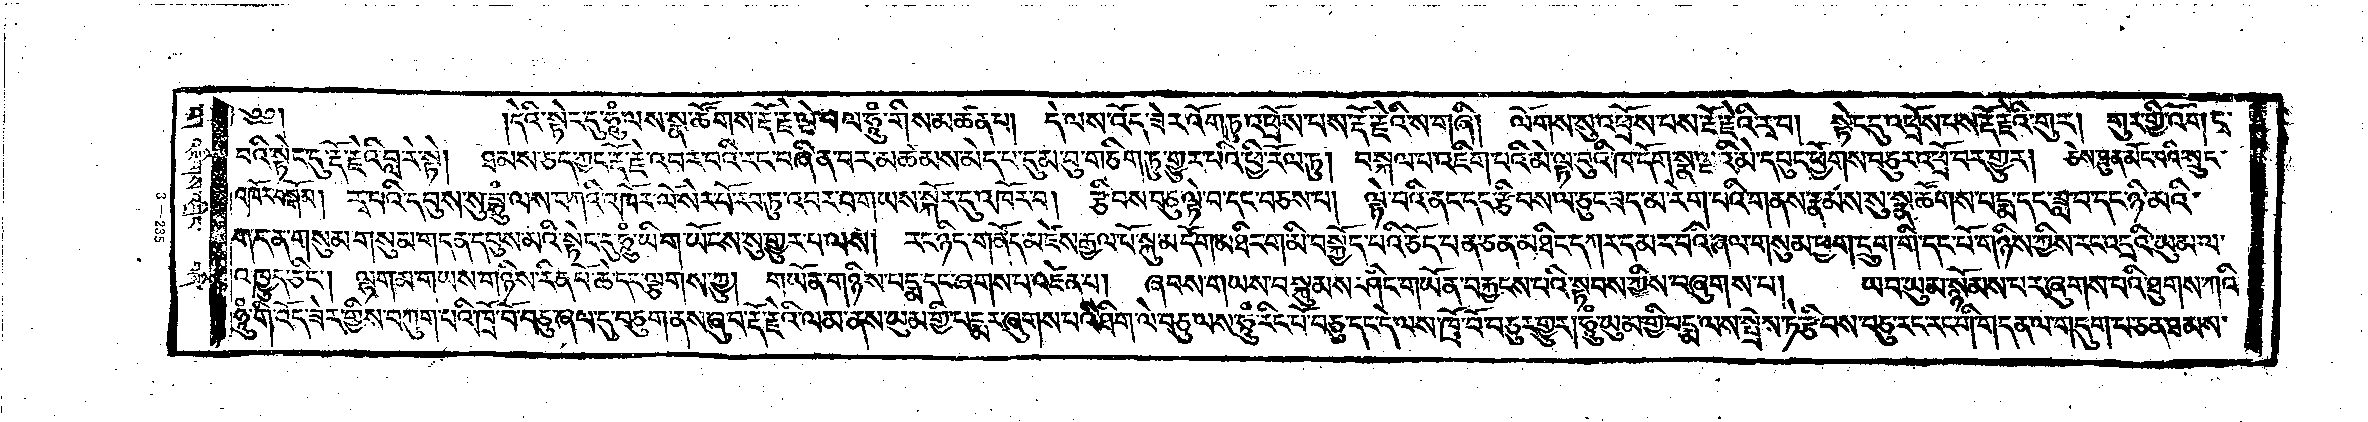༄༅། །དེའི་སྟེང་དུ་ཧཱུཾ་ལས་སྣ་ཚོགས་རྡོ་རྗེ་ཝེ་བ་ལ་ཧཱུཾ་གིས་མཚན་པ། དེ་ལས་འོད་ཟེར་འོག་ཏུ་འཕྲོས་པས་རྡོ་རྗེའི་ས་གཞི། ལོགས་སུ་འཕྲོས་པས་རྡོ་རྗེའི་རྭ་བ། སྟེང་དུ་འཕྲོས་པས་རྡོ་རྗེའི་གུར། གུར་གྱི་འོག་དྭ་
བའི་སྟེང་དུ་རྡོ་རྗེའི་བླ་རེ་སྟེ། ཐམས་ཅད་ཀྱང་རྡོ་རྗེ་འབར་བའི་རང་བཞིན་བར་མཚམས་མེད་པ་དུམ་བུ་གཅིག་ཏུ་གྱུར་པའི་ཕྱི་རོལ་ཏུ། བསྐལ་བ་འཇིག་པའི་མེ་ལྟ་བུའི་ཁ་དོག་སྣ་ལྔའི་མེ་དབུང་ཕྱོགས་བཅུར་འཕྲོ་བར་གྱུར། ཅེས་ཐུན་མོང་པའི་སྲུང་
འཁོར་བསྒོམ། རྭ་པའི་དབུས་སུ་བྷཱུཾ་ལས་བཀའི་འཁོར་ལོ་སེར་པོ་རབ་ཏུ་འབར་བ་གཡས་སྐོར་དུ་འཁོར་བ། རྩིབས་བཅུ་ལྟེ་བ་དང་བཅས་པ། ལྟེ་བའི་ནང་དང་རྩིབས་ལ་ཅུང་ཟད་མ་རེག་པའི་གནས་རྣམས་སུ་སྣ་ཚོགས་པདམ་དང་ཟླ་བ་དང་ཉི་མའི་
གདན་གསུམ་གསུམ་གདན་དབུས་མའི་སྟེང་དུ་ཧཱུཾ་ཡིག་ཡོངས་སུ་གྱུར་པ་ལས། རང་ཉིད་གནོད་མཛེས་རྒྱལ་པོ་སྐུ་མདོག་མཐིང་ག་མི་བསྐྱོད་པའི་ཅོད་པན་ཅན་མཐིང་དཀར་དམར་བའི་ཞལ་གསུམ་ཕྱག་དྲུག་གི་དང་པོ་གཉིས་ཀྱིས་རང་འདྲའི་ཡུམ་ལ་
འཁྱུད་ཅིང་། ལྷག་མ་གཡས་གཉིས་རིན་པོ་ཆེ་དང་ལྕགས་ཀྱུ། གཡོན་གཉིས་པདམ་དང་ཞགས་པ་འཛིན་པ། ཞབས་གཡས་བསྐུམས་ཤིང་གཡོན་བརྐྱངས་པའི་སྟབས་ཀྱིས་བཞུགས་པ། ཡབ་ཡུམ་སྙོམས་པར་ཞུགས་པའི་ཐུགས་ཀའི་
ཧཱུཾ་གི་འོད་ཟེར་གྱིས་བཀུག་པའི་ཁྲོ་བོ་བཅུ་ཞལ་དུ་བཅུག་ནས་ཞུ་བ་རྡོ་རྗེའི་ལམ་ནས་ཡུམ་གྱི་པདམར་ཞུགས་པའི་ཐིག་ལེ་བཅུ་ལས་ཧཱུཾ་རིང་པོ་བཅུ་དང་དེ་ལས་ཁྲོ་བོ་བཅུར་གྱུར། ཧཱུཾ་ཡུམ་གྱི་པདམ་ལས་སྤྲེས་ཏེ་རྩིབས་བཅུ་རང་རང་གི་གདན་ལ་གདུག་པ་ཅན་ཐམས་